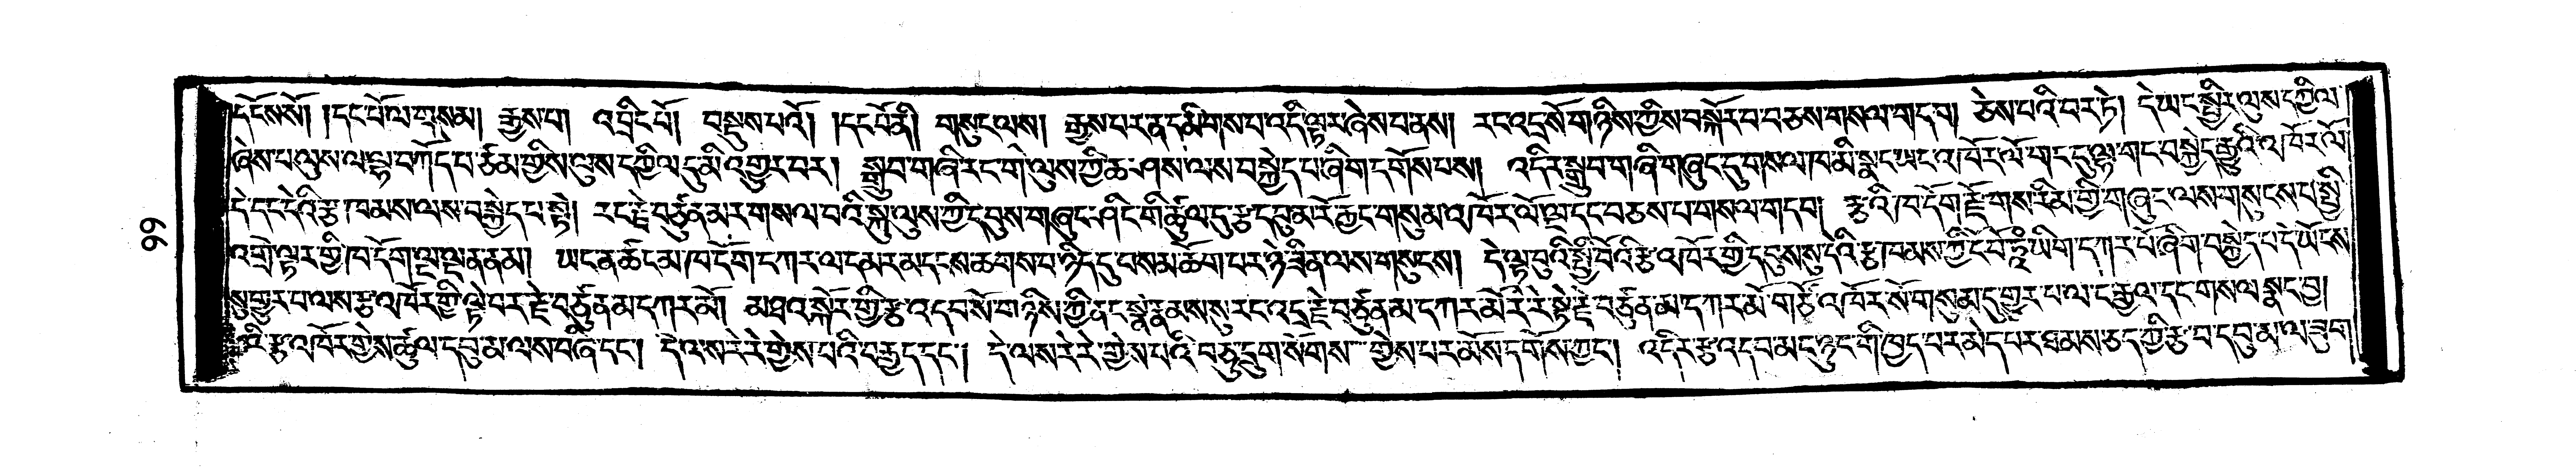དངོས་སོ། །དང་པོ་ལ་གསུམ། རྒྱས་པ། འབྲིང་པོ། བསྡུས་པའོ། །དང་པོ་ནི། གསུང་ལས། རྒྱས་པར་ན་དམིགས་པ་འདི་ལྟར་ཞེས་པ་ནས། རང་འདྲ་སོ་གཉིས་ཀྱིས་བསྐོར་བ་བཅས་གསལ་གདབ། ཅེས་པའི་བར་ཏེ། དེ་ཡང་སྤྱིར་ལུས་དཀྱིལ་
ཞེས་པ་ལུས་ལ་ལྷ་བཀོད་པ་ཙམ་གྱིས་ལུས་དཀྱིལ་དུ་མི་འགྱུར་བར། སྒྲུབ་གཞི་རང་གི་ལུས་ཀྱི་ཆ་ཤས་ལས་བསྐྱེད་པ་ཞིག་དགོས་པས། འདིར་སྒྲུབ་གཞི་གཞུང་དུ་གསལ་བ་མི་སྣང་ཡང་འཁོར་ལོ་གང་དུ་ལྷ་གང་བསྐྱེད་རྒྱུའི་འཁོར་ལོ་
དེ་དང་དེའི་རྩ་ཁམས་ལས་བསྐྱེད་པ་སྟེ། རང་རྗེ་བཙུན་མར་གསལ་བའི་སྐུ་ལས་ཀྱི་དབུས་གཞུང་ཤིང་གི་ཚུལ་དུ་རྩ་དབུ་མ་རོ་རྐྱང་གསུམ་འཁོར་ལོ་ལྔ་དང་བཅས་པ་གསལ་གདབ། རྩའི་ཁ་དོག་རྫོགས་རིམ་གྱི་གཞུང་ལས་གསུངས་པ་སྤྱི་
འགྲོ་ལྟར་གྱི་ཁ་དོག་ལྔ་ལྡན་ནམ། ཡང་ན་ཚང་མ་ཁ་དོག་དཀར་ལ་དམར་མདངས་ཆགས་པ་ཉིད་དུ་བསམ་ཆོག་པར་ཉེ་ཟིན་ལས་གསུངས། དེ་ལྟ་བུའི་སྤྱི་བོའི་རྩ་འཁོར་གྱི་དབུས་སུ་དེའི་རྩ་ཁམས་ཀྱི་ངོ་བོ་ཏཱཾ་ཡིག་དཀར་པོ་ཞིག་བསྐྱེད་པ་དེ་ཡོངས་
སུ་གྱུར་པ་ལས་རྩ་འཁོར་གྱི་ལྟེ་བར་རྗེ་བཙུན་མ་དཀར་མོ། མཐའ་སྐོར་གྱི་རྩ་འདབ་སོ་གཉིས་ཀྱི་ནང་སྣེ་རྣམས་སུ་རང་འདྲ་རྗེ་བཙུན་མ་དཀར་མོ་རེ་རེ་སྟེ་རྗེ་བཙུན་མ་དཀར་མོ་གཙོ་འཁོར་སོ་གསུམ་དུ་གྱུར་བ་ལ་ང་རྒྱལ་དང་གསལ་སྣང་བྱ།
སྤྱིར་རྩ་འཁོར་གྱེས་ཚུལ་དབུ་མ་ལས་བཞི་དང་། དེ་ལས་རེ་རེ་གྱེས་པའི་བརྒྱད་དང་། དེ་ལས་རེ་རེ་གྱེས་པའི་བཅུ་དྲུག་སོགས་གྱེས་པར་མོས་དགོས་ཀྱང་། འདིར་རྩ་འདབ་མང་ཉུང་གི་ཁྱད་པར་མེད་པར་ཐམས་ཅད་ཀྱི་རྩ་བ་དབུ་མ་ལ་ཟུག་